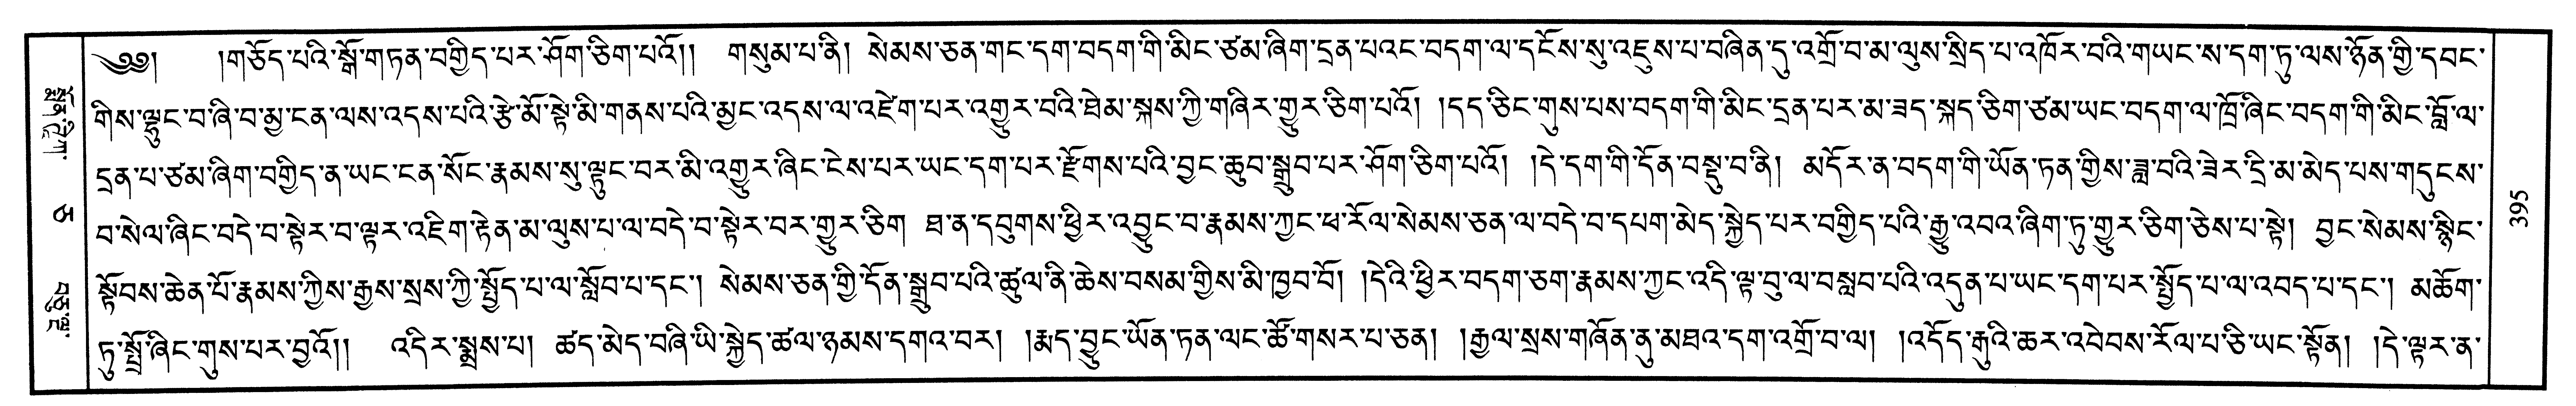༄༅། །གཅོད་པའི་སྒོ་གཏན་བགྱིད་པར་ཤོག་ཅིག་པའོ།། གསུམ་པ་ནི། སེམས་ཅན་གང་དག་བདག་གི་མིང་ཙམ་ཞིག་དྲན་པའང་བདག་ལ་དངོས་སུ་འཇུས་པ་བཞིན་དུ་འགྲོ་བ་མ་ལུས་སྲིད་པ་འཁོར་བའི་གཡང་ས་དག་ཏུ་ལས་ཉོན་གྱི་དབང་
གིས་ལྷུང་བ་ཞི་བ་མྱ་ངན་ལས་འདས་པའི་རྩེ་མོ་སྟེ་མི་གནས་པའི་མྱང་འདས་ལ་འཛེག་པར་འགྱུར་བའི་ཐེམ་སྐས་ཀྱི་གཞིར་གྱུར་ཅིག་པའོ། །དད་ཅིང་གུས་པས་བདག་གི་མིང་དྲན་པར་མ་ཟད་སྐད་ཅིག་ཙམ་ཡང་བདག་ལ་ཁྲོ་ཞིང་བདག་གི་མིང་བློ་ལ་
དྲན་པ་ཙམ་ཞིག་བགྱིད་ན་ཡང་ངན་སོང་རྣམས་སུ་ལྟུང་བར་མི་འགྱུར་ཞིང་ངེས་པར་ཡང་དག་པར་རྫོགས་པའི་བྱང་ཆུབ་སྒྲུབ་པར་ཤོག་ཅིག་པའོ། །དེ་དག་གི་དོན་བསྡུ་བ་ནི། མདོར་ན་བདག་གི་ཡོན་ཏན་གྱིས་ཟླ་བའི་ཟེར་དྲི་མ་མེད་པས་གདུངས་
བ་སེལ་ཞིང་བདེ་བ་སྟེར་བ་ལྟར་འཇིག་རྟེན་མ་ལུས་པ་ལ་བདེ་བ་སྟེར་བར་གྱུར་ཅིག་ཐ་ན་དབུགས་ཕྱིར་འབྱུང་བ་རྣམས་ཀྱང་ཕ་རོལ་སེམས་ཅན་ལ་བདེ་བ་དཔག་མེད་སྐྱེད་པར་བགྱིད་པའི་རྒྱུ་འབའ་ཞིག་ཏུ་གྱུར་ཅིག་ཅེས་པ་སྟེ། བྱང་སེམས་སྙིང་
སྟོབས་ཆེན་པོ་རྣམས་ཀྱིས་རྒྱས་སྲས་ཀྱི་སྤྱོད་པ་ལ་སློབ་པ་དང་། སེམས་ཅན་གྱི་དོན་སྒྲུབ་པའི་ཚུལ་ནི་ཆེས་བསམ་གྱིས་མི་ཁྱབ་བོ། །དེའི་ཕྱིར་བདག་ཅག་རྣམས་ཀྱང་འདི་ལྟ་བུ་ལ་བསླབ་པའི་འདུན་པ་ཡང་དག་པར་སྤྱོད་པ་ལ་འབད་པ་དང་། མཆོག་
ཏུ་སྤྲོ་ཞིང་གུས་པར་བྱའོ།། འདིར་སྨྲས་པ། ཚད་མེད་བཞི་ཡི་སྐྱེད་ཚལ་ཉམས་དགའ་བར། །རྨད་བྱུང་ཡོན་ཏན་ལང་ཚོ་གསར་པ་ཅན། །རྒྱལ་སྲས་གཞོན་ནུ་མཐའ་དག་འགྲོ་བ་ལ། །འདོད་རྒུའི་ཆར་འབེབས་རོལ་པ་ཅི་ཡང་སྟོན། །དེ་ལྟར་ན་